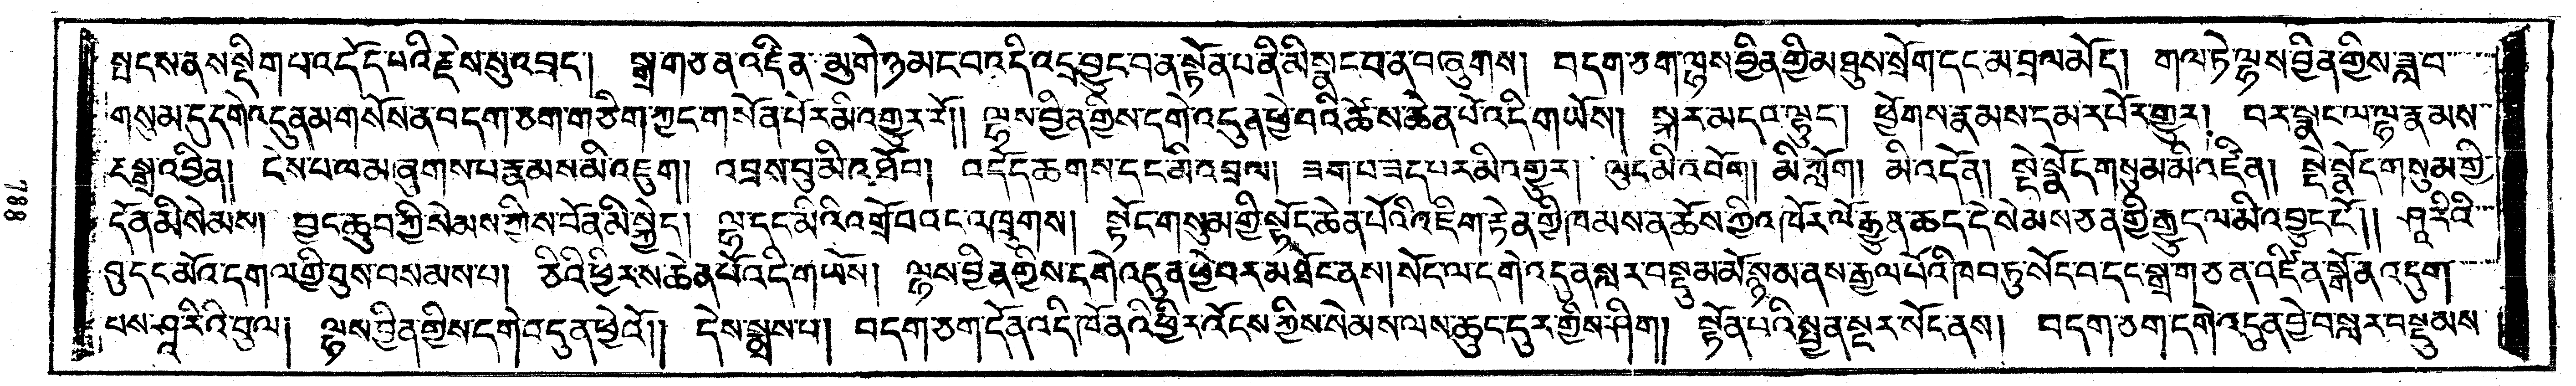སྤངས་ནས་སྡིག་པ་འདོད་པའི་རྗེས་སུ་འབྲང་། སྒྲ་གཅན་འཛིན་མུ་གེ་ཉ་མང་བ་འདི་འདྲ་བྱུང་བ་ན་སྟོན་པ་ནི་མི་སྣང་བ་ན་བཞུགས། བདག་ཅག་ལྷས་བྱིན་གྱི་མཐུས་སྲོག་དང་མ་བྲལ་མོད། གལ་ཏེ་ལྷས་བྱིན་གྱིས་ཟླ་བ་
གསུམ་དུ་དགེ་འདུན་མ་གསོས་ན་བདག་ཅག་གཅིག་ཀྱང་གསོན་པོར་མི་འགྱུར་རོ།། ལྷས་བྱིན་གྱིས་དགེ་འདུན་ཕྱེ་བའི་ཚེས་ཆེན་པོ་འདི་གཡོས། སྐར་མདའ་ལྟུང་། ཕྱོགས་རྣམས་དམར་པོར་གྱུར། བར་སྣང་ལ་ལྷ་རྣམས་
རྔ་སྒྲ་འབྱིན། ངེས་པ་ལ་མ་ཞུགས་པ་རྣམས་མི་འཇུག། འབྲས་བུ་མི་འཐོབ། འདོད་ཆགས་དང་མི་འབྲལ། ཟག་པ་ཟད་པར་མི་འགྱུར། ལུང་མི་འབོག། མི་ཀློག། མི་འདོན། སྡེ་སྣོད་གསུམ་མི་འཛིན། སྡེ་སྣོད་གསུམ་གྱི་
དོན་མི་སེམས། བྱང་ཆུབ་ཀྱི་སེམས་ཀྱི་ས་བོན་མི་སྐྱེད། ལྷ་དང་མིའི་འགྲོ་བའང་འཁྲུགས། སྟོང་གསུམ་གྱི་སྟོང་ཆེན་པོའི་འཇིག་རྟེན་གྱི་ཁམས་ན་ཆོས་ཀྱི་འཁོར་ལོ་རྒྱུན་ཆད་དེ་སེམས་ཅན་གྱི་རྒྱུད་ལ་མི་འབྱུང་ངོ།། ཤཱ་རིའི་
བུ་དང་མོའ་དགལ་གྱི་བུས་བསམས་པ། ཅིའི་ཕྱིར་ས་ཆེན་པོ་འདི་གཡོས། ལྷས་བྱིན་གྱིས་དགེ་འདུན་ཕྱེ་བར་མཐོང་ནས། སོང་ལ་དགེ་འདུན་སླར་བསྡུམ་མོ་སྙམ་ནས་རྒྱལ་པོའི་ཁབ་ཏུ་སོང་བ་དང་སྒྲ་གཅན་འཛིན་སྒོ་ན་འདུག་
པས་ཤཱ་རིའི་བུ་ལ༑ ལྷས་བྱིན་གྱིས་དགེ་འདུན་ཕྱེའོ།། དེས་སྨྲས་པ། བདག་ཅག་དོན་འདི་ཁོ་ནའི་ཕྱིར་འོངས་ཀྱིས་སེམས་ལས་ཆུང་ངུར་གྱིས་ཤིག། སྟོན་པའི་སྤྱན་སྔར་སོང་ནས། བདག་ཅག་དགེ་འདུན་བྱེ་བ་སླར་བསྡུམས་